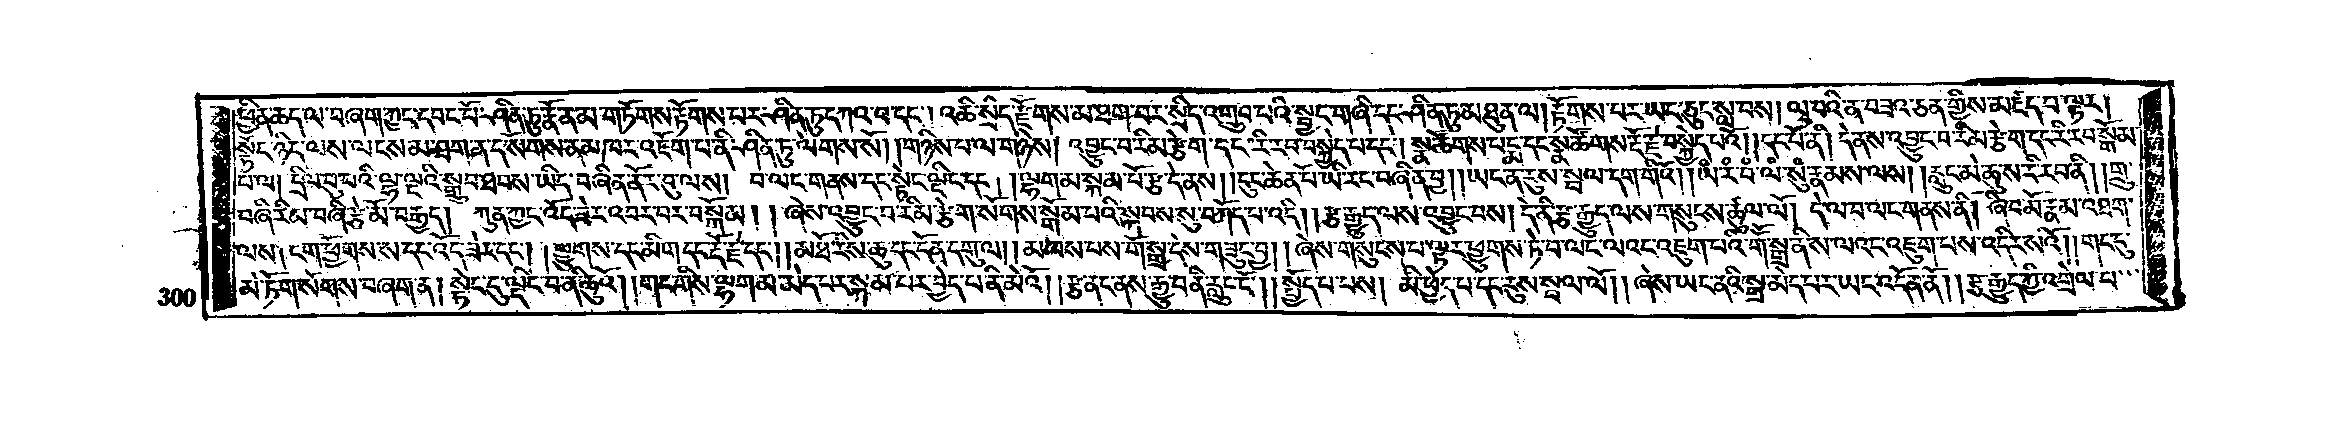ཕྱིན་ཆད་ལ་བཞག་ཀྱང་དབང་པོ་ཤིན་ཏུ་རྣོ་ན་མ་གཏོགས་རྟོགས་པར་ཤིན་ཏུ་དཀའ་བ་དང་། འཆི་སྲིད་རྫོགས་མ་ཐག་བར་སྲིད་འགྲུབ་པའི་སྦྱང་གཞི་དང་ཤིན་ཏུ་མཐུན་ལ། རྟོགས་པར་ཡང་ཅུང་སླ་བས། ལྭ་བའི་ན་བཟའ་ཅན་གྱིས་མཛད་པ་ལྟར།
སྟོང་ཉིད་ལས་ལངས་མ་ཐག་ནཱ་ད་སོགས་ནམ་མཁར་འཇོག་པ་ནི་ཤིན་ཏུ་ལེགས་སོ། །གཉིས་པ་ལ་གཉིས། འབྱུང་བ་རིམ་རྩེག་དང་རི་རབ་བསྐྱེད་པ་དང་། སྣ་ཚོགས་པདམ་དང་སྣ་ཚོགས་རྡོ་རྗེ་བསྐྱེད་པའོ། །དང་པོ་ནི། དེ་ནས་འབྱུང་བ་རིམ་རྩེག་དང་རི་རབ་སྒོམ་
པ་ལ། དྲིལ་བུ་པའི་ལྷ་ལྔའི་སྒྲུབ་ཐབས་ཡིད་བཞིན་ནོར་བུ་ལས། བ་ལང་གནས་དང་སྟེང་ལྡིང་དང་། །ལྷག་མ་སྐམ་པོ་རྩ་དེ་ནས། །དུང་ཆེན་པོ་ཡི་རང་བཞིན་བྱ། །ཡང་ན་རུས་སྦལ་དག་གིའོ། །ཡཾ་རཾ་བཾ་ལཾ་སུཾ་རྣམས་ལས། །རླུང་མེ་ཆུ་ས་རི་རབ་ནི། །གྲུ་
བཞི་རིམ་བཞི་རྩེ་མོ་བརྒྱད། །ཀུན་ཀྱང་འོད་ཟེར་འབར་བར་བསྒོམ། །ཞེས་འབྱུང་བ་རིམ་རྩེག་སོགས་སྒོམ་པའི་སྐབས་སུ་བཀོད་པ་འདི། །རྩ་རྒྱུད་ལས་འབྱུང་བས། དེ་ནི་རྩ་རྒྱུད་ལས་གསུངས་ཚུལ་ལོ། དེ་ལ་བ་ལང་གནས་ནི། ཞིབ་མོ་རྣམ་འཐག་
ལས། ངག་ཕྱོགས་ས་དང་འོད་ཟེར་དང་། །ཕྱུགས་དང་མིག་དང་རྡོ་རྗེ་དང་། །མཐོ་རིས་ཆུ་དང་དོན་དགུ་ལ། །མཁས་པས་གོ་སྒྲ་དེས་གཟུང་བྱ། །ཞེས་གསུངས་པ་ལྟར་ཕྱུགས་ཏེ་བ་ལང་ལའང་འཇུག་པའི་གཽ་སྒྲ་ནི་ས་ལའང་འཇུག་པས་འདིར་སའོ། །གང་དུ་
མེ་ཏོག་སོགས་བཞག་ན། སྟེང་དུ་ལྡིང་བ་ནི་ཆུའོ། །གང་གིས་ལྷག་མ་མེད་པར་སྐམ་པར་བྱེད་པ་ནི་མེའོ། །རྩ་ནང་ནས་རྒྱུ་བ་ནི་རླུང་ངོ། །སྤྱོད་པ་པས། མི་ཕྱེད་པ་དང་རུས་སྦལ་ལོ། །ཞེས་ཡང་ནའི་སྒྲ་མེད་པར་ཡང་འདོན་ནོ། །རྩ་རྒྱུད་ཀྱི་འགྲེལ་པ་